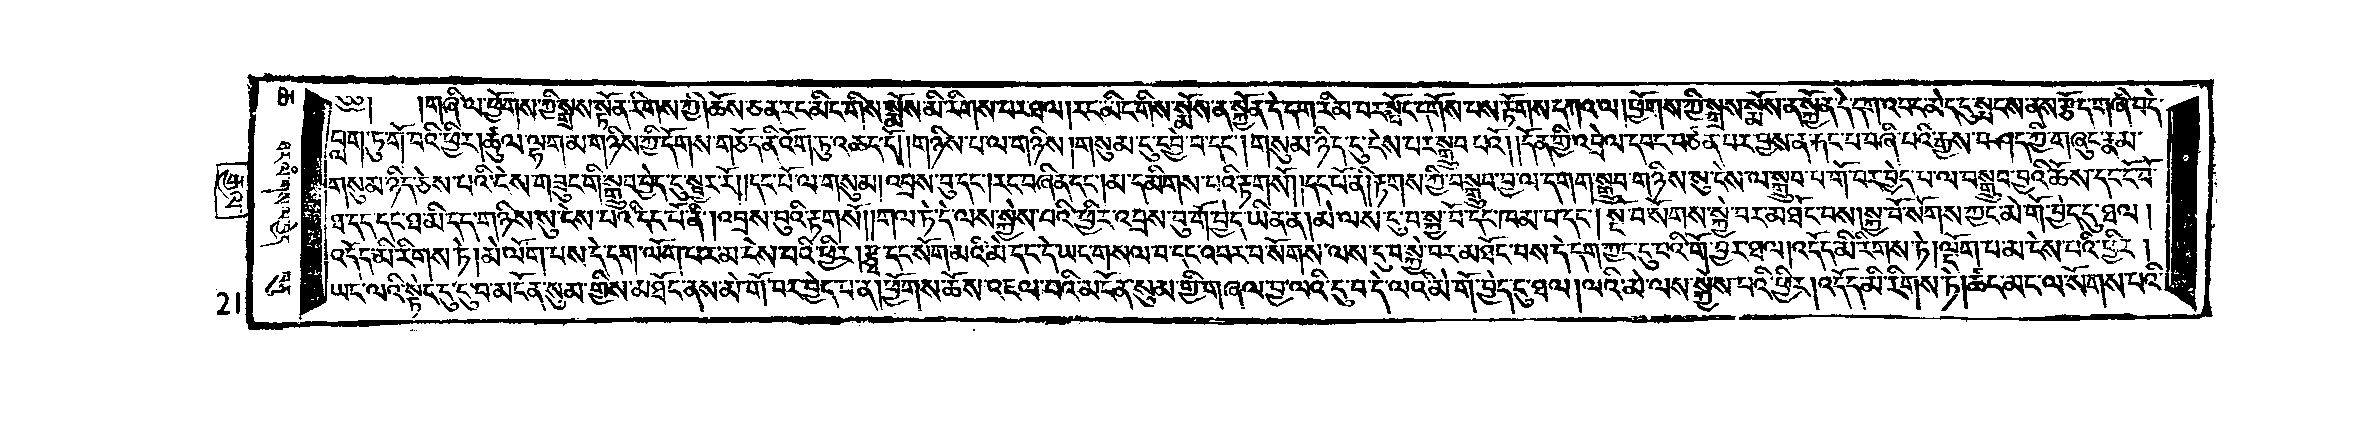༄༅། །གཞི་ལ་ཕྱོགས་ཀྱི་སྒྲས་སྟོན་རིགས་ཀྱི། ཆོས་ཅན་རང་མིང་གིས་སྨོས་མི་རིགས་པར་ཐལ། རང་མིང་གིས་སྨོས་ན་སྐྱོན་དེ་དག་རིམ་པར་སྤོང་དགོས་པས་རྟོགས་དཀའ་ལ། ཕྱོགས་ཀྱི་སྒྲས་སྨོས་ན་སྐྱོན་དེ་དག་འབད་མེད་དུ་སྤངས་ནས་རྩོད་གཞི་བདེ་
བླག་ཏུ་གོ་བའི་ཕྱིར། ཚུལ་ལྷག་མ་གཉིས་ཀྱི་དོགས་གཅོད་ནི་འོག་ཏུ་འཆད་དོ། །གཉིས་པ་ལ་གཉིས། གསུམ་དུ་དབྱེ་བ་དང་། གསུམ་ཉིད་དུ་ངེས་པར་སྒྲུབ་པའོ། །དོན་གྱི་འབྲེལ་དབང་བཙན་པར་བྱས་ན་རྐང་པ་བཞི་པའི་རྒྱས་བཤད་ཀྱི་གཞུང་རྣམ་
གསུམ་ཉིད་ཅེས་པའི་ངེས་གཟུང་གི་སྒྲུབ་བྱེད་དུ་སྦྱར་རོ། །དང་པོ་ལ་གསུམ། འབྲས་བུ་དང་། རང་བཞིན་དང་། མ་དམིགས་པའི་རྟགས་སོ། །དང་པོ་ནི། རྟགས་ཀྱི་བསྒྲུབ་བྱ་ལ་དགག་སྒྲུབ་གཉིས་སུ་ངེས་ལ་སྒྲུབ་པ་གོ་བར་བྱེད་པ་ལ་བསྒྲུབ་བྱའི་ཆོས་དང་ངོ་བོ་
ཐ་དད་དང་ཐ་མི་དད་གཉིས་སུ་ངེས་པའི་དང་པོ་ནི། འབྲས་བུའི་རྟགས་སོ། །གལ་ཏེ་དེ་ལས་སྐྱེས་པའི་ཕྱིར་འབྲས་བུ་གོ་བྱེད་ཡིན་ན། མེ་ལས་དུ་བ་སྐྱེ་བོ་དང་ཁམ་པ་དང་། སྔོ་བ་སོགས་སྐྱེ་བར་མཐོང་བས། སྐྱ་བོ་སོགས་ཀྱང་མེ་གོ་བྱེད་དུ་ཐལ།
འདོད་མི་རིགས་ཏེ། མི་ལོག་པས་དེ་དག་ལོག་པར་མ་ངེས་པའི་ཕྱིར། རྩྭ་དང་སོག་མའི་མེ་དང་དེ་ཡང་གསལ་བ་དང་འབར་བ་སོགས་ལས་དུ་བ་སྐྱེ་བར་མཐོང་བས་དེ་དག་ཀྱང་དུ་བའི་གོ་བྱར་ཐལ། འདོད་མི་རིགས་ཏེ། ལྡོག་པ་མ་ངེས་པའི་ཕྱིར།
ཡང་ལའི་སྟེང་དུ་དུ་བ་མངོན་སུམ་གྱིས་མཐོང་ནས་མེ་གོ་བར་བྱེད་པ་ན། ཕྱོགས་ཆོས་འཇལ་བའི་མངོན་སུམ་གྱི་གཞལ་བྱ་ལའི་དུ་བ་དེ་ལའི་མེ་གོ་བྱེད་དུ་ཐལ། ལའི་མེ་ལས་སྐྱེས་པའི་ཕྱིར། འདོད་མི་རིགས་ཏེ། ཚང་མང་ལ་སོགས་པའི་